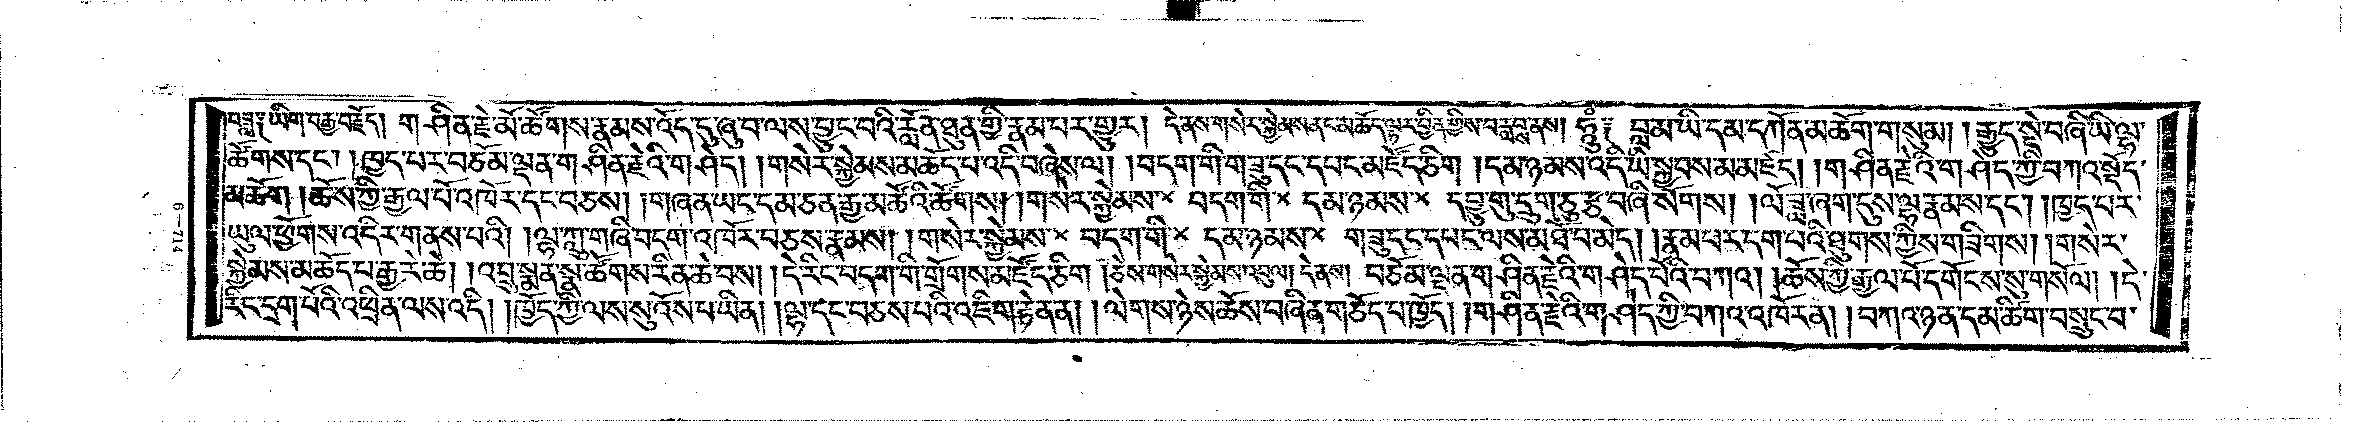བཟླ༑ ཡིག་བརྒྱ་བརྗོད།  གཤིན་རྗེ་མོ་ཚོགས་རྣམས་འོད་དུ་ཞུ་བ་ལས་བྱུང་བའི་རློན་ཐུན་གྱི་རྣམ་པར་གྱུར། དེ་ནས་གསེར་སྐྱེམས་ནང་མཆོད་ལྟར་བྱིན་གྱིས་བརླབས་ནས།  ཧཱུཾ༑ བླ་མ་ཡི་དམ་དཀོན་མཆོག་གསུམ། །རྒྱུད་སྡེ་བཞི་ཡི་ལྷ་
ཚོགས་དང་། །ཁྱད་པར་བཅོམ་ལྡན་གཤིན་རྗེའི་གཤེད། །གསེར་སྐྱེམས་མཆོད་པ་འདི་བཞེས་ལ། །བདག་གི་གཟུ་དང་དབང་མཛོད་ཅིག །དམ་ཉམས་འདི་ཡི་སྐྱབས་མ་མཛད། །གཤིན་རྗེའི་གཤེད་ཀྱི་བཀའ་སྡོད་
མཆོག །ཆོས་ཀྱི་རྒྱལ་པོ་འཁོར་དང་བཅས། །གཞན་ཡང་དམ་ཅན་རྒྱ་མཚོའི་ཚོགས། །གསེར་སྐྱེམས྾་བདག་གི྾་དམ་ཉམས྾་དབྱུ་གུ་དྲུག་ཅུ་རྩ་བཞི་སོགས། །ལོ་ཟླ་ཞག་དུས་ལྷ་རྣམས་དང་། །ཁྱད་པར་
ཡུལ་ཕྱོགས་འདིར་གནས་པའི། །ལྷ་ཀླུ་གཞི་བདག་འཁོར་བཅས་རྣམས། །གསེར་སྐྱེམས྾་བདག་གི྾་དམ་ཉམས྾་གཟུ་དང་དཔང་ལས་མཐོ་བ་མེད། །རྣམ་པར་དག་པའི་ཐུགས་ཀྱིས་གཟིགས། །གསེར་
སྐྱེམས་མཆོད་པ་རྒྱ་རེ་ཆེ། །འབྲུ་སྨན་སྣ་ཚོགས་རིན་ཆེ་བས། །དེ་རིང་བདག་གི་གྲོགས་མཛོད་ཅིག་།ཅེས་གསེར་སྐྱེམས་འབུལ། དེ་ནས།  བཅོམ་ལྡན་གཤིན་རྗེའི་གཤེད་པོའི་བཀའ། །ཆོས་ཀྱི་རྒྱལ་པོ་དགོངས་སུ་གསོལ། །དེ་
རིང་དྲག་པོའི་འཕྲིན་ལས་འདི། །ཁྱོད་ཀྱི་ལས་སུ་འོས་པ་ཡིན། །ལྷ་དང་བཅས་པའི་འཇིག་རྟེན་ན། །ལེགས་ཉེས་ཆོས་བཞིན་གཅོད་པ་ཁྱོད། །གཤིན་རྗེའི་གཤེད་ཀྱི་བཀའ་འཁོར་ན། །བཀའ་ཉན་དམ་ཚིག་བསྲུང་བ་